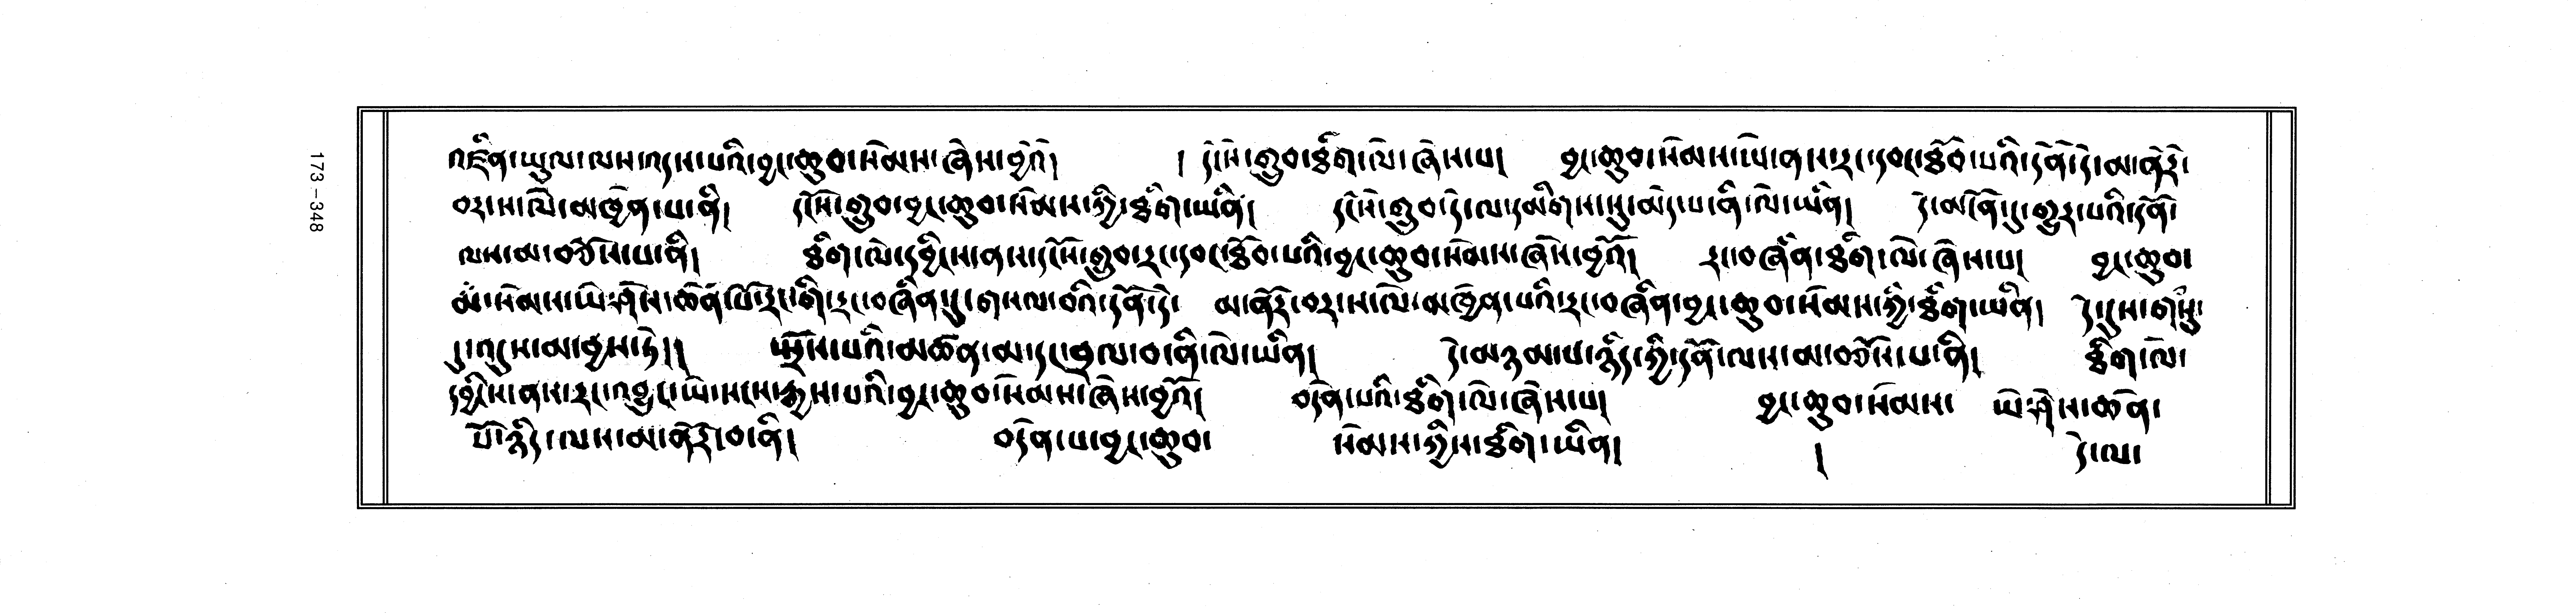འཛིན་ཡུལ་ལས་འདས་པའི་བྱང་ཆུབ་སེམས་ཞེས་བྱའོ། །དངོས་གྲུབ་ཐིག་ལེ་ཞེས་པ། བྱང་ཆུབ་སེམས་ཡེ་ནས་རང་དབང་ཐོབ་པའི་དོན་དེ་མ་ནོར་
བར་སལེ་མཁྱེན་པ་ནི། དངོས་གྲུབ་བྱང་ཆུབ་སེམས་ཀྱི་ཐིག་ཡིན་ལ། དངོས་གྲུབ་དེ་ལ་དམིགས་སུ་མེད་པ་ནི་ལེ་ཡིན། དེ་མངོན་དུ་གྱུར་པའི་དོན་
ལ་མ་བཅོས་པ་ནི། ཐིག་ལེ་དབྱིངས་ནས་དངོས་གྲུབ་རང་དབང་ཐོབ་པའི་བྱང་ཆུབ་སེམས་ཞེས་བྱའོ། །རང་བཞིན་ཐིག་ལེ་ཞེས་པ། བྱང་ཆུབ་
སེམས་ཡེ་ཤེས་ཆེན་པོ་རང་གི་རང་བཞིན་དུ་གསལ་བའི་དོན་དེ། མ་ནོར་བར་སལེ་མཁྱེན་པའི་རང་བཞིན་བྱང་ཆུབ་སེམས་ཀྱི་ཐིག་ཡིན། དེ་དུས་གསུམ་
དུ་འདུས་མ་བྱས་ཏེ། སྤྲོས་པའི་མཚན་མ་དང་བྲལ་བ་ནི་ལེ་ཡིན། དེ་མཉམ་པ་ཉིད་ཀྱི་དོན་ལ་མ་བཅོས་པ་ནི། ཐིག་ལེ་
དབྱིངས་ནས་རང་འབྱུང་ཡེ་སངས་རྒྱས་པའི་བྱང་ཆུབ་སེམས་ཞེས་བྱའོ། །བདེན་པའི་ཐིག་ལེ་ཞེས་པ། བྱང་ཆུབ་སེམས། ཡི་ཤེས་ཚན།
པོ་ཉིད་ལས་མ་ནོར་བ་ནི། བདེན་པ་བྱང་ཆུབ་ བྱང་ཆུབ་སེམས་ཀྱི་ཐིག་ཡིན། དེ་ལ་